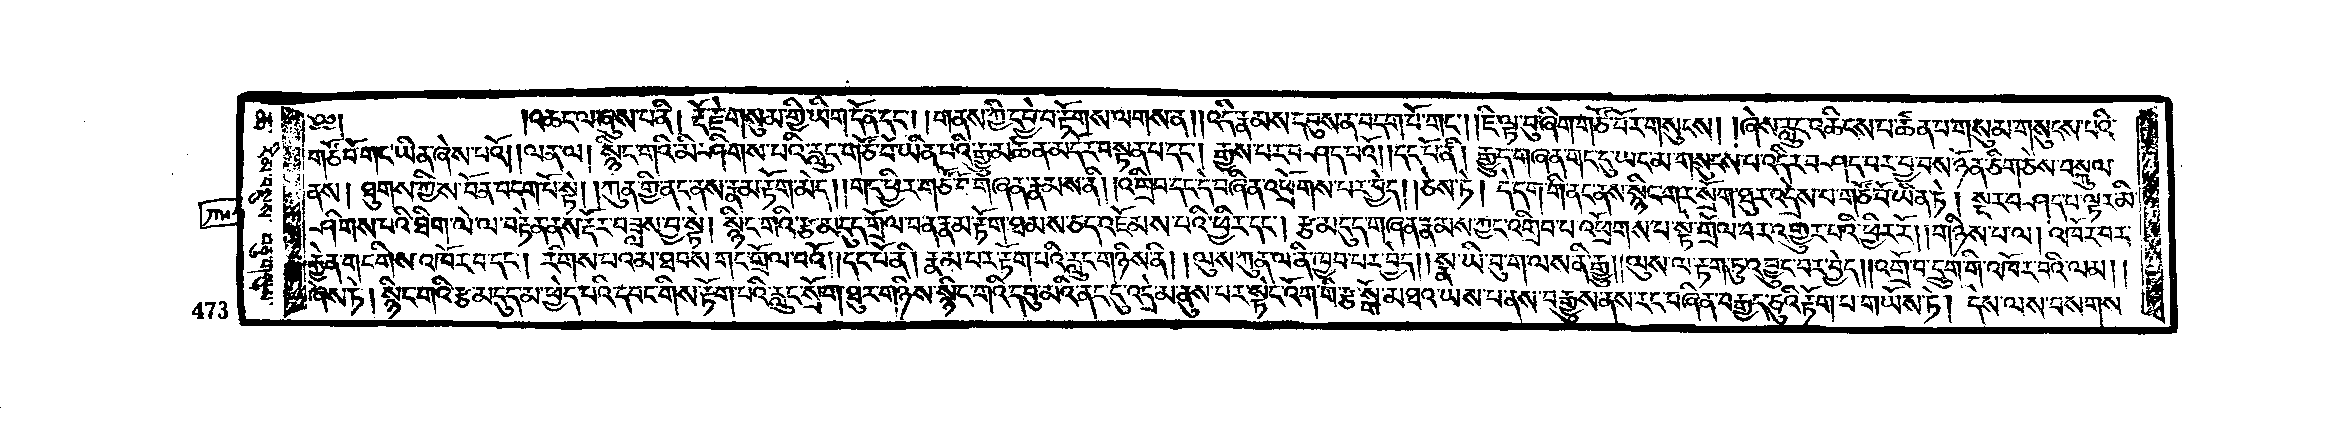༄༅། །འཆང་ལ་ཞུས་པ་ནི། རྡོ་རྗེ་གསུམ་གྱི་ཡིག་དོན་དང་། །གནས་ཀྱི་དབྱེ་བ་རྟོགས་ལགས་ན། །འདི་རྣམས་དབུས་ན་བདག་པོ་གང་། །ཇི་ལྟ་བུ་ཞིག་གཙོ་བོར་གསུངས། །ཞེས་རླུང་འཆིངས་པ་ཚན་པ་གསུམ་གསུངས་པའི་
གཙོ་བོ་གང་ཡིན་ཞེས་པའོ། །ལན་ལ། སྙིང་གའི་མི་ཤིགས་པའི་རླུང་གཙོ་བོ་ཡིན་པའི་རྒྱུ་མཚན་མདོར་བསྟན་པ་དང་། རྒྱས་པར་བཤད་པའོ། །དང་པོ་ནི། རྒྱུད་གཞན་གང་དུ་ཡང་མ་གསུངས་པ་འདིར་བཤད་པར་བྱ་བས་ཉོན་ཅིག་ཅེས་བསྐུལ་
ནས། ཐུགས་ཀྱི་ས་བོན་བདག་པོ་སྟེ། །ཀུན་གྱི་ནང་ནས་རྣམ་རྟོག་མེད། །གང་ཕྱིར་གཙོ་བོ་གཞན་རྣམས་ནི། །འགྲིབ་དང་དེ་བཞིན་འཕྲོགས་པར་བྱེད། །ཅེས་ཏེ། དེ་དག་གི་ནང་ནས་སྙིང་གར་སྲོག་ཐུར་འདྲེས་པ་གཙོ་བོ་ཡིན་ཏེ། སྔར་བཤད་པ་ལྟར་མི་
ཤིགས་པའི་ཐིག་ལེ་ལ་བརྟེན་ནས་རྡོར་བཟླས་བྱ་སྟེ། སྙིང་གའི་རྩ་མདུད་གྲོལ་བ་ན་རྣམ་རྟོག་ཐམས་ཅད་འཇོམས་པའི་ཕྱིར་དང་། རྩ་མདུད་གཞན་རྣམས་ཀྱང་འགྲིབ་པ་འཕྲོགས་པ་སྟེ་གྲོལ་བར་འགྱུར་བའི་ཕྱིར་རོ། །གཉིས་པ་ལ། འཁོར་བར་
རྐྱེན་གང་གིས་འཁོར་བ་དང་། རིགས་པའམ་ཐབས་གང་གྲོལ་བའོ། །དང་པོ་ནི། རྣམ་པར་རྟོག་པའི་རླུང་གཉིས་ནི། །ལུས་ཀུན་ལ་ནི་ཁྱབ་པར་བྱེད། །སྣ་ཡི་བུ་ག་ལས་ནི་རྒྱུ། །ལུས་ལ་རྟག་ཏུ་འབྱུང་བར་བྱེད། །འགྲོ་བ་དྲུག་གི་འཁོར་བའི་ལམ། །
ཞེས་ཏེ། སྙིང་གའི་རྩ་མདུད་མ་ཕྱེད་པའི་དབང་གིས་རྟོག་པའི་རླུང་སྲོག་ཐུར་གཉིས་སྙིང་གའི་དབུ་མའི་ནང་དུ་འདྲེ་མ་ནུས་པར་སྟེང་འོག་གི་རྩ་སྒོ་མཐའ་ཡས་པ་ནས་བརྒྱུས་ནས་རང་བཞིན་བརྒྱད་ཅུའི་རྟོག་པ་གཡོས་ཏེ། དེས་ལས་བསགས་